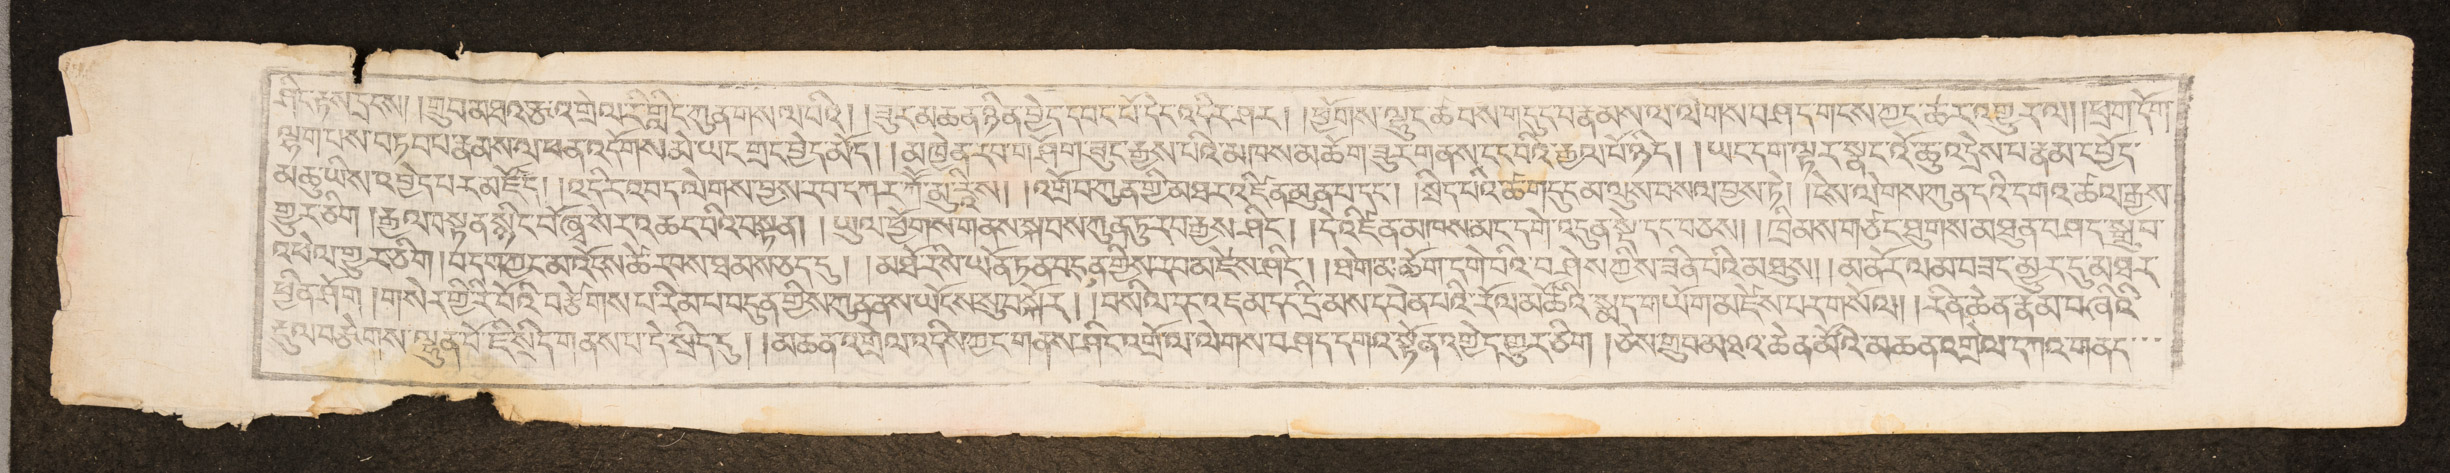ཤིང་རྟས་དྲངས། །གྲུབ་མཐའ་རྩ་འགྲེལ་རི་གླིང་ཀུན་གསལ་བའི། །ཟུར་མཆན་ཉིན་བྱེད་དབང་པོ་དེང་འདིར་ཤར། །ཕྱོགས་ལྷུང་ཚ་བས་གདུང་བ་རྣམས་ལ་ལེགས་བཤད་གངས་ཀྱང་ཆར་འགྱུར་ལ། །ཕྲག་དོག་
ལྷག་པས་བཏབ་པ་རྣམས་ལ་ཕན་འདོགས་མེ་ཡང་གྲང་བྱེད་མོད། །མཁྱེན་རབ་གཤོག་ཟུང་རྒྱས་པའི་མཁས་མཆོག་ཟུར་གནས་དང་པའི་རྒྱལ་པོ་ཉིད། །ཡང་དག་ལྟར་སྣང་འོ་ཆུ་འདྲེས་པ་རྣམ་དཔྱོད་
མཆུ་ཡིས་འབྱེད་པར་མཛོད། །འདིར་འབད་ལེགས་བྱས་རབ་དཀར་ཀཽ་མུ་རཱིས། །འགྲོ་བ་ཀུན་གྱི་མཐར་འཛིན་མུན་པ་དང་། །སྲིད་པའི་ཚ་གདུང་མ་ལུས་བསལ་བྱས་ཏེ། །ངེས་ལེགས་ཀུན་དའི་དགའ་ཚལ་རྒྱས་
གྱུར་ཅིག །རྒྱལ་བསྟན་སྙིང་པོ་ཞྭ་སེར་འཆང་བའི་བསྟན། །ཡུལ་ཕྱོགས་གནས་སྐབས་ཀུན་ཏུ་རབ་རྒྱས་ཤིང་། །དེ་འཛིན་མཁས་མང་དགེ་འདུན་སྡེ་དང་བཅས། །ཁྲིམས་གཙང་ཐུགས་མཐུན་བཤད་སྒྲུབ་
འཕེལ་གྱུར་ཅིག །བདག་ཀྱང་མ་འོངས་ཚེ་རབས་ཐམས་ཅད་དུ། །མཐོ་རིས་ཡོན་ཏན་བདུན་གྱིས་རབ་མཛེས་ཤིང་། །ཐེག་མཆོག་དགེ་བའི་བཤེས་ཀྱིས་ཟིན་པའི་མཐུས། །མ་ནོར་ལམ་བཟང་མྱུར་དུ་མཐར་
ཕྱིན་ཤོག །གསེར་གྱི་རི་བོའི་བརྩེགས་པ་རིམ་པ་བདུན་གྱིས་ཀུན་ནས་ཡོངས་སུ་བསྐོར། །བསིལ་དང་འཇམ་དང་དྲི་མས་དབེན་པའི་རོལ་མཚོའི་སྨད་གཡོག་མཛེས་པར་གསོལ། །རིན་ཆེན་རྣམ་བཞིའི་
རྡུལ་བརྩེགས་ལྷུན་པོ་ཇི་སྲིད་གནས་པ་དེ་སྲིད་དུ། །མཆན་འགྲེལ་འདིས་ཀྱང་གནས་ཤིང་འགྲོ་ལ་ལེགས་བཤད་དགའ་སྟོན་འགྱེད་གྱུར་ཅིག །ཅེས་གྲུབ་མཐའ་ཆེན་མོའི་མཆན་འགྲེལ་དཀའ་གནད་